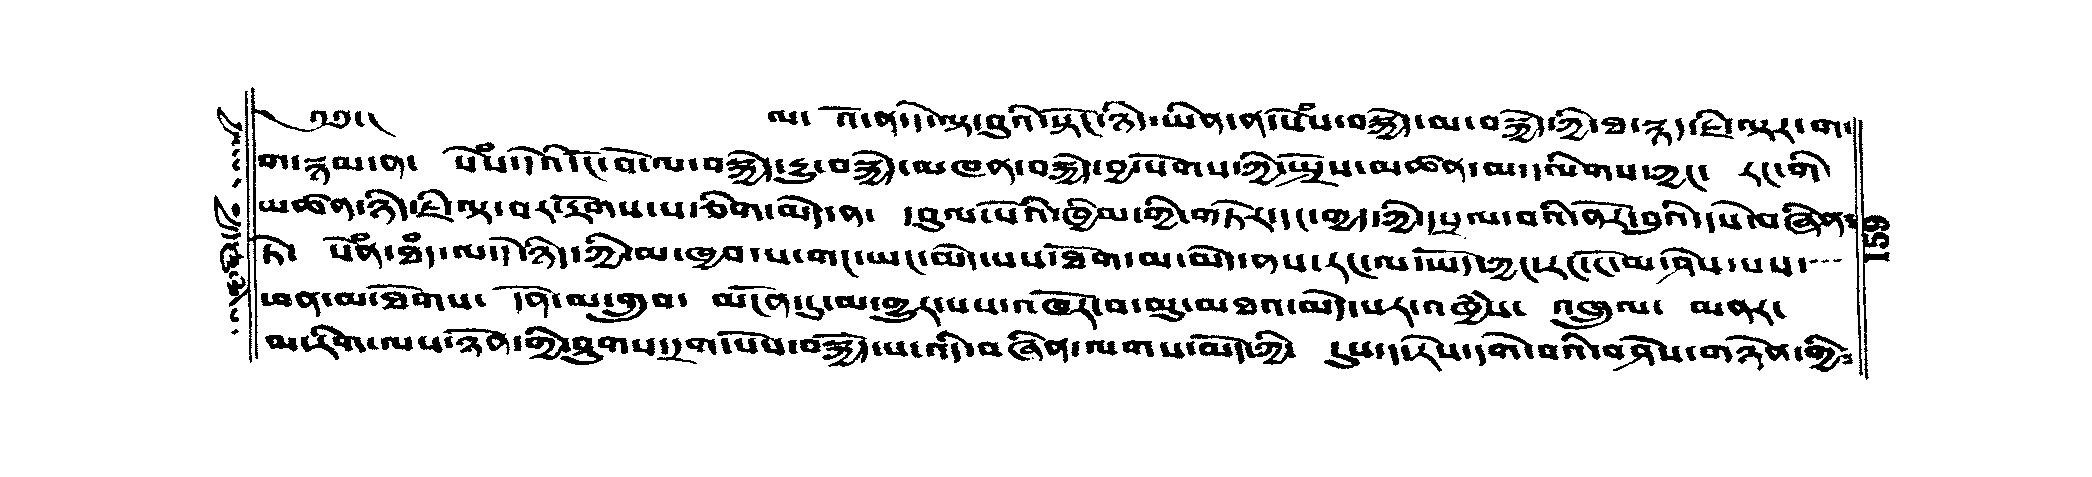ལ། འོ་ན་དེ་ལྟ་བུའི་སྟོང་ཉིད་ཡིན་ན་སེམས་བསྐྱེད་མ་བསྐྱེད་ཀྱི་ཐ་སྙད་ཇི་ལྟར་ག་
ག་སྙམ་ན།སེམས་དེའི་ངོ་བོ་ལ་བསྐྱེད་རྒྱུ་བསྐྱེད་མཁན་བསྐྱེད་བྱ་སོགས་ཀྱི་སྤྲོས་མཚན་མ་དམིགས་ཀྱང་། རང་གི་
མཚན་ཉིད་ཇི་ལྟ་བར་རྟོགས་པ་ཅིག་མེད་ན། དབུལ་པོའི་ཁྱིམ་ཡགི་གཏེར་དང་གྱད་ཀྱི་དཔྲལ་བའི་ནོར་བུའི་དཔེ་བཞིན་
ཏེ། སེམས་ཅན་ཐམས་ཅད་ལ་དེ་ཉིད་ཀྱི་མ་ཁྱབ་པ་གང་ཡང་མེད་པར་ཐོག་མ་མེད་ནས་རང་ལ་ཡོད་ཀྱང་རང་ངོ་མ་ཤེས་པས་
ཕན་མ་ཐོགས། དོན་མ་གྲུབ། མངོན་དུ་མ་གྱུར་པས་འཁོར་བ་མུ་མཐའ་མེད་པར་འཁྱམས། འཁྲུལ། མནར་
མ་རིག་ལས་ཉོན་གྱི་ཤུགས་དྲག་པོས་བསྐྱོད་པ་འདི་བཞིན་ལགས་མོད་ཀྱི། དུས་དང་རེས་དགེ་བའི་བཤེས་གཉེན་གྱི་